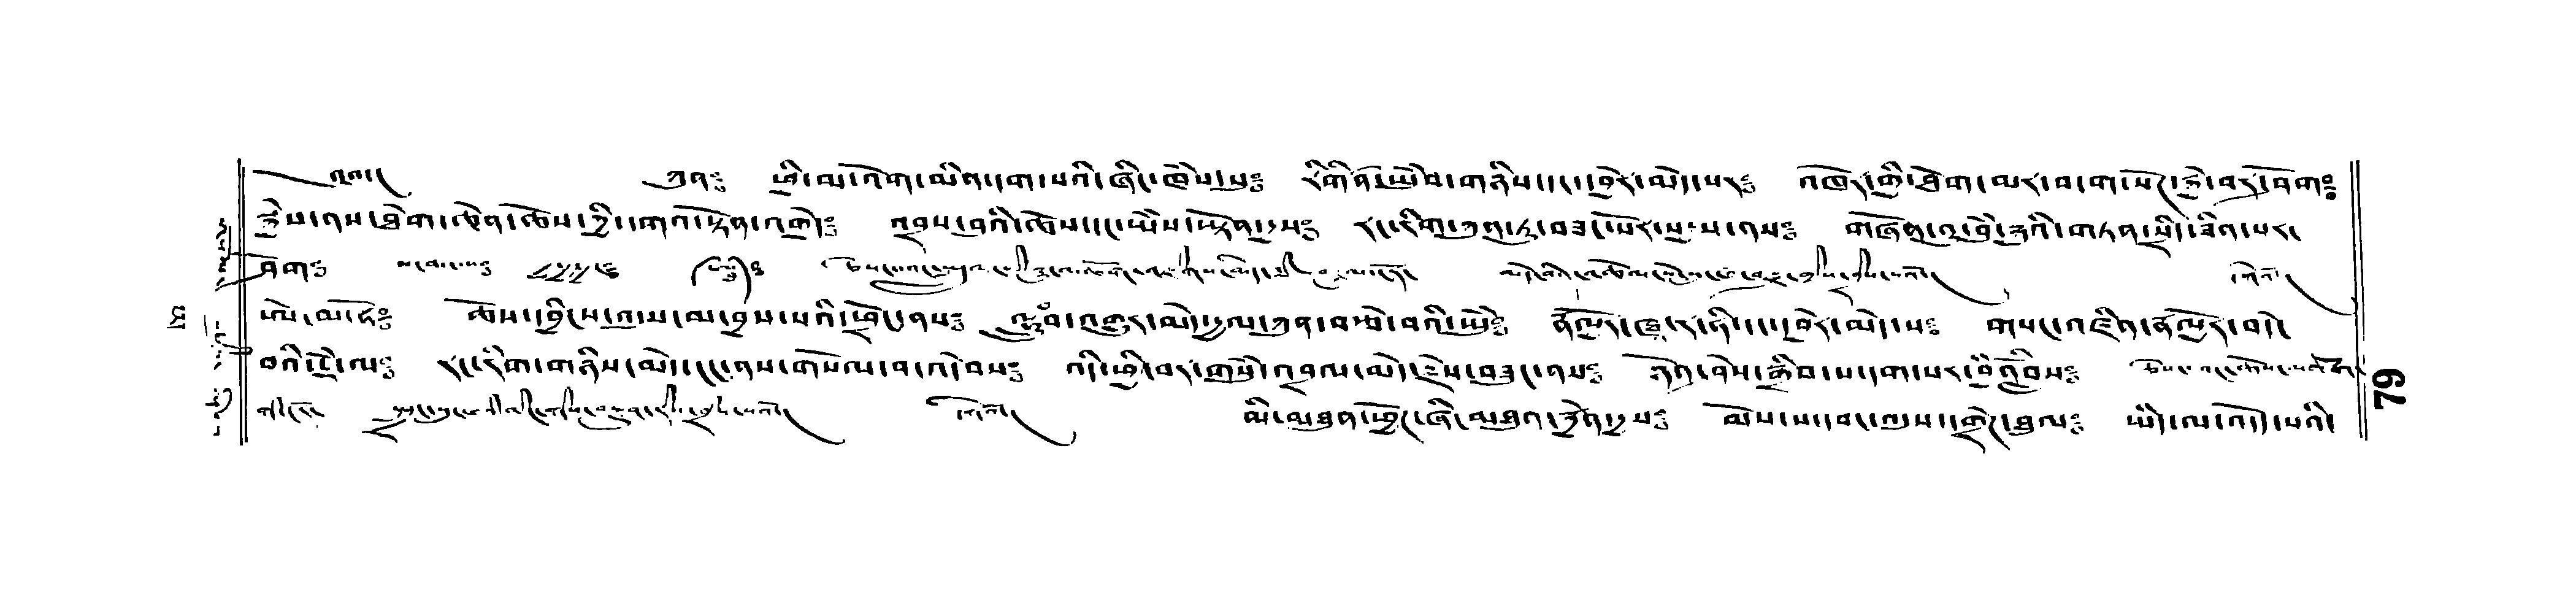ཀུན༔ ཕྱི་མ་འོག་མིན་དག་པའི་ཞིང་ཁམས་སུ༔ རིག་འཛིན་ཡབ་ཡུམ་གཉིས་དང་དབྱེར་མེད་པར༔ འཁོར་གྱི་ཐོག་མར་བདག་སོགས་སྐྱེ་བར་ཤོག༔ 
སྐྱེས་ནས་ཐེག་ཆེན་ཆོས་ཀྱི་དགའ་སྟོན་འགྱེད༔ འབྲས་བུའི་ཆོས་དང་ཡེ་ཤེས་ཡོན་ཏན་རྒྱས༔ རང་རིག་ཀུན་ཏུ་བཟང་པོར་སངས་རྒྱས་ནས༔ གཞོན་ནུ་བུམ་སྐུའི་གཏན་སྲིད་ཟིན་པར་
ཤོག༔ ས་མ་ཡ༔ རྒྱ་རྒྱ་རྒྱ༔ ཿ ཅེས་པའང་སྤྲུལ་པའི་སྐུ་མཆོག་འཇིགས་མེད་ཀྱིས་བསྐུལ་ངོར། མདོ་མེད་འཆོལ་མོ་སུ་ཁ་བཛྲ་གྱིས་བྲིས་པའོ།། 
ཨེ་མ་ཧོཿ ཆོས་དབྱིངས་འདུས་མ་བྱས་པའི་ཕོ་བྲང་ནས༔ ལྷུན་གྲུབ་འགྱུར་མེད་རྒྱལ་ཀུན་བརྩེ་བའི་ཡུམ༔ རྣལ་འབྱོར་ཝཱ་ར་ཧི་དང་དབྱེར་མེད་པ༔ གསང་འཛིན་རྣལ་འབྱོར་བདེ་
བའི་རྡོ་རྗེ་ལ༔ རང་རིག་གཉིས་མེད་ངང་ནས་གསོལ་བ་འདེབས༔ འདི་ཕྱི་བར་གསུམ་འབྲལ་མེད་རྗེས་བཟུང་ནས༔ ཉོན་ཤེས་སྒྲིབ་པ་དག་པར་བྱིན་གྱིས་རློབས༔ ཅེས་པའང་ཆོས་མཆོག་
གི་ངོར། སྤྲང་སུ་ཁའི་མིང་གིས་བརྫུན་རིས་སུ་བྲིས་པའོ།། མི་མཐུན་ཕྱོགས་ཞི་མཐུན་རྐྱེན་རྒྱས༔ མོས་པ་དབང་འདུས་དགྲ་བགེགས་ཐུལ༔ ཡིད་ལ་འདོད་པའི་